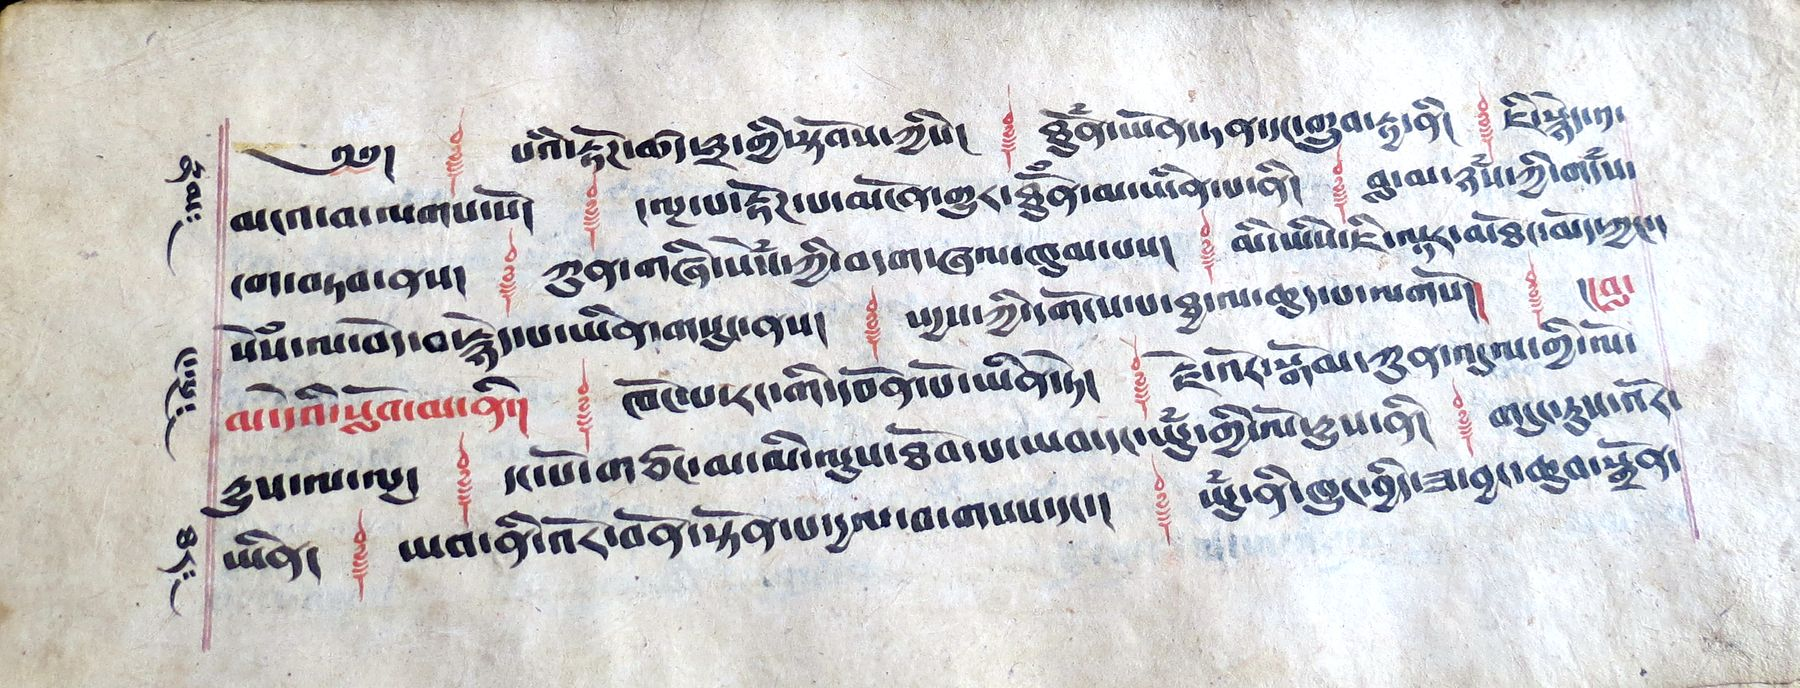པའི་རྟོགས་ཚད་གསུམ་གྱི་སྟོབས་ཀྱིས། ཐུན་མོང་ཡོན་ཏན་དང་གྲུབ་རྟགས་ནི་ཅི་སྙེད་ཅིག་
མངའ་བ་ལགས་སོ། ། ལྔ་པ་རྟོགས་པ་མངོན་གྱུར་ཐུན་མོང་མ་ཡིན་པ་ནི་བླ་མས་ཉམས་ཀྱི་གདམས་
ངག་བཏབ་ནས། ཀུན་གཞི་སེམས་ཀྱི་བདག་ཞལ་ཁུམས་པས། མིའི་ཅི་ལྟར་མཐོང་མོད་ཀྱང་། 
སེམས་ལ་བདེ་བ་རྙེད་པ་ཡིན་གསུངས་ནས། སངས་རྒྱས་ཀྱི་དགོངས་པ་ཐུགས་སུ་ཆུད་པ་ལགས་སོ། ། བླ་
མ་དེའི་སློབ་མ་ནི། ཁོང་པ་རང་གི་དབོན་པོ་ཡིན་ཏེ། རྗེ་འོར་སྒོམ་ཀུན་འདུལ་གྱི་ལོ་
རྒྱུས་ལ་ལྔ། དང་པོ་གཙང་མ་མི་ལུས་ཐོབ་པ་ཡབ་དང་ཡུམ་གྱི་ལོ་རྒྱུས་ནི། གདུང་རུས་འོར་
ཡིན། ཡབ་ནི་འོར་པོན་སྟོན་པ་རྒྱལ་བ་གསས་དང་། ཡུམ་ནི་ཁྱུང་བྱིད་བཟའ་བྱང་ཆུབ་སྒྲོན་